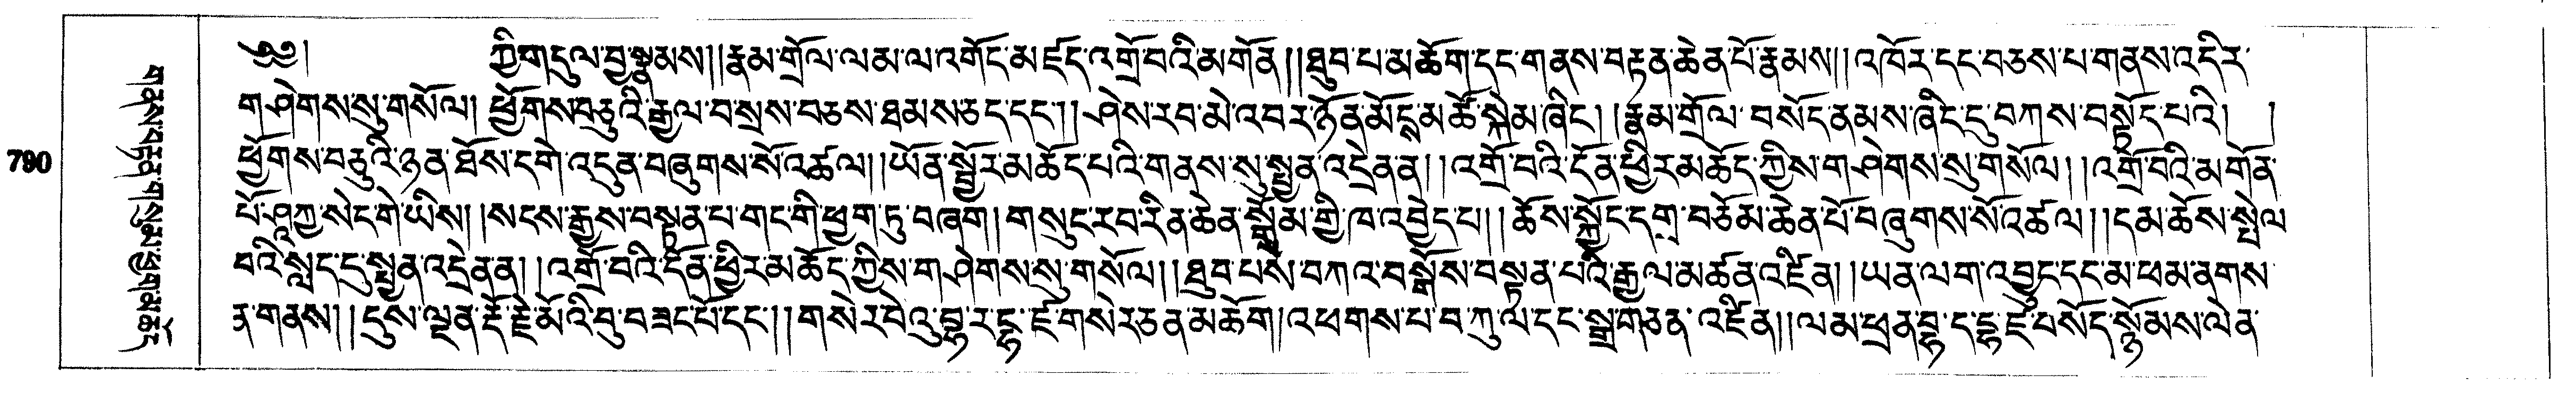༄༅། །ཀྱི་གདུལ་བྱ་སྣམས། །རྣམ་གྲོལ་ལམ་ལ་འགོད་མཛད་འགྲོ་བའི་མགོན། །ཐུབ་པ་མཆོག་དང་གནས་བརྟན་ཆེན་པོ་རྣམས། །འཁོར་དང་བཅས་པ་གནས་འདིར་
གཤེགས་སུ་གསོལ། ཕྱོགས་བཅུའི་རྒྱལ་བ་སྲས་བཅས་ཐམས་ཅད་དང་། །ཤེས་རབ་མེ་འབར་ཉོན་མོངས་མཚོ་སྐེམ་ཞིང་། །རྣམ་གྲོལ་བསོད་ནམས་ཞིང་དུ་བཀས་བསྟོད་པའི། །
ཕྱོགས་བཅུའི་ཉན་ཐོས་དགེ་འདུན་བཞུགས་སོ་འཚལ། །ཡོན་སྦྱོར་མཆོད་པའི་གནས་སུ་སྤྱན་འདྲེན་ན། །འགྲོ་བའི་དོན་ཕྱིར་མཆོད་ཀྱིས་གཤེགས་སུ་གསོལ། །འགྲོ་བའི་མགོན་
པོ་ཤཱཀྱ་སེང་གེ་ཡིས། །སངས་རྒྱས་བསྟན་པ་གང་གི་ཕྱག་ཏུ་བཞག །གསུང་རབ་རིན་ཆེན་སྒྲོམ་གྱི་ཁ་འབྱེད་པ། །ཆོས་སྐྱོང་དགྲ་བཅོམ་ཆེན་པོ་བཞུགས་སོ་འཚལ། །དམ་ཆོས་སྤེལ་
བའི་སླད་དུ་སྤྱན་འདྲེན་ན། །འགྲོ་བའི་དོན་ཕྱིར་མཆོད་ཀྱིས་གཤེགས་སུ་གསོལ། །ཐུབ་པས་བཀའ་བསྒོས་བསྟན་པའི་རྒྱལ་མཚན་འཛིན། །ཡན་ལག་འབྱུང་དང་མ་ཕམ་ནགས་
ན་གནས། །དུས་ལྡན་རྡོ་རྗེ་མོའི་བུ་བཟང་པོ་དང་། །གསེར་བེའུ་བྷ་ར་དྷ་ཛ་གསེར་ཅན་མཆོག །འཕགས་པ་བ་ཀུ་ལ་དང་སྒྲ་གཅན་འཛིན། །ལམ་ཕྲན་བྷ་ད་དྷ་ཛ་བསོད་སྙོམས་ལེན་